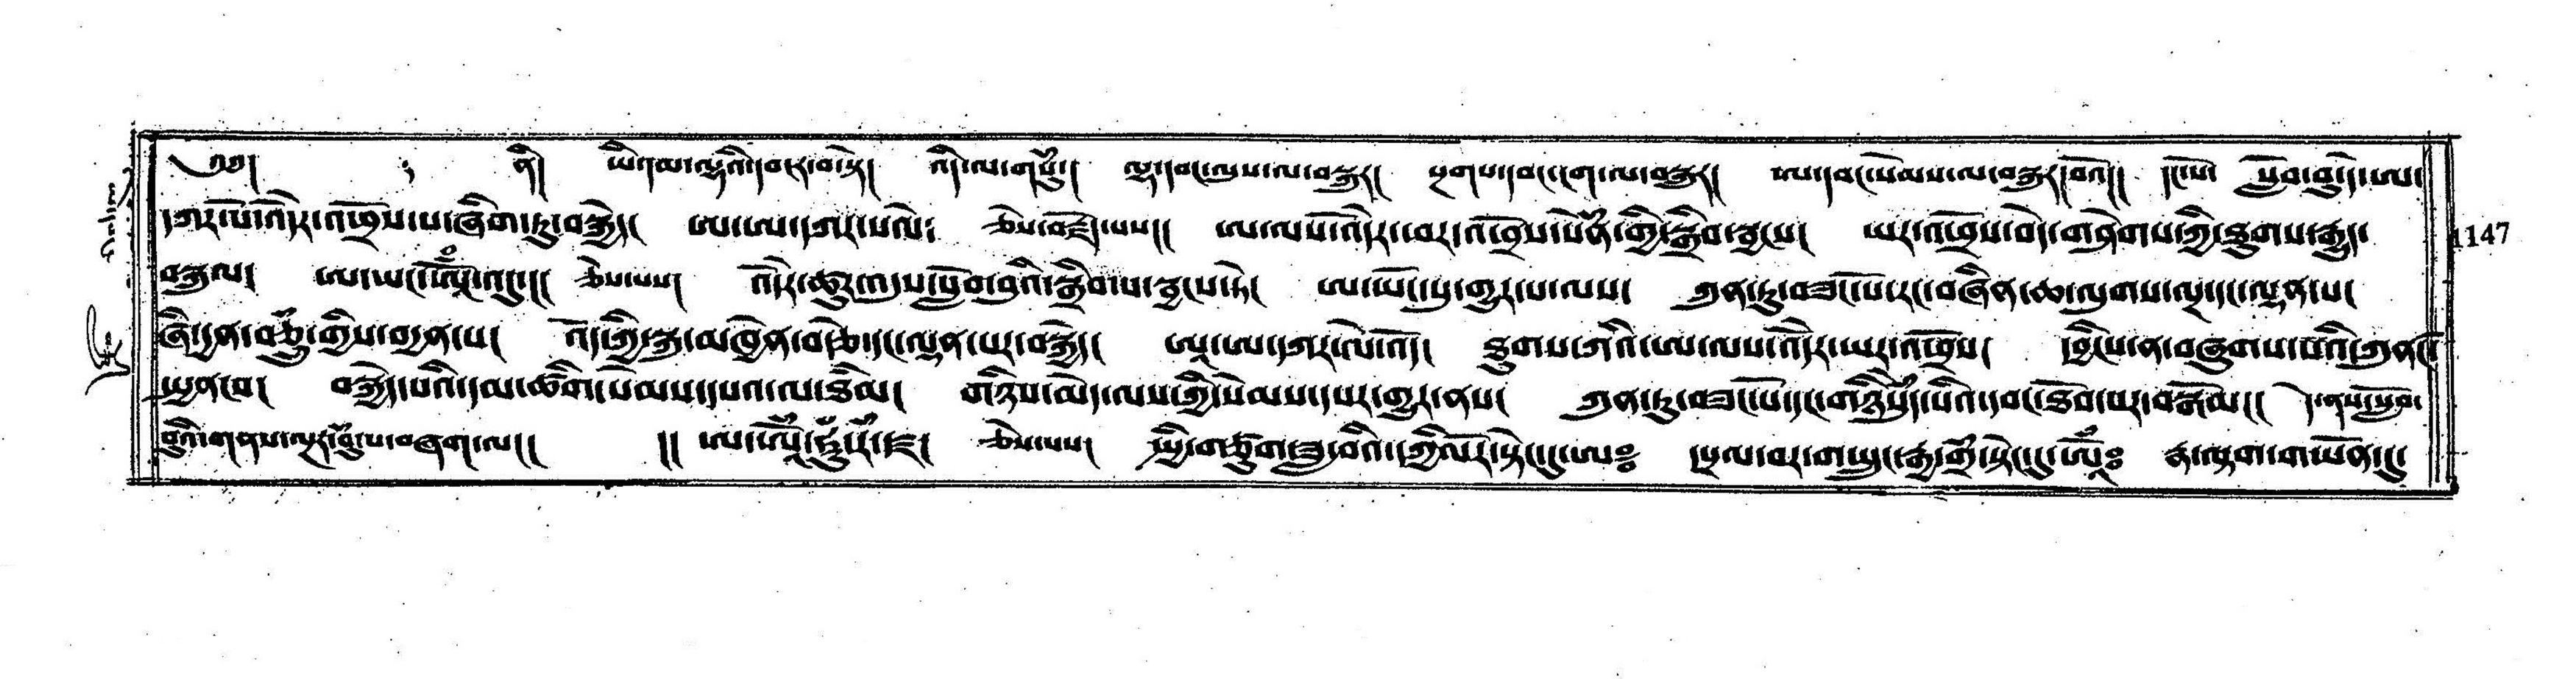ནི། ཡི་དམ་ལྷའི་དབང་བསྐུར་བ་སྟེ། འདི་ལ་གསུམ། ལྷ་དབང་ལུས་ལ་བསྐུར། སྔགས་དབང་ངག་ལ་བསྐུར། ཨ་དབང་སེམས་ལ་བསྐུར་བའོ།། དང་པོ་སློབ་བུ་དེ་ཨ་
དཀར་པོ་འོད་ཟེར་འཕྲོས་པ་ཞིག་ཏུ་བསྐྱེད། ཨ་ཨ་དཀར་སལེ༴ ཅེས་བརྗོད་པས།། ཨ་ལས་འོད་ཟེར་ཕར་འཕྲོས་སེམས་ཅན་གྱི་སྒྲིབ་སྦྱངས། ཡར་འཕྲོས་བདེ་གཤེགས་ཀྱི་ཐུགས་རྒྱུད་
བསྐུལ། ཨ་ཡང་ཨཱོཾ་འདུ།། ཅེས་པས། འོད་ཟེར་ཚུར་འདུས་སློབ་བུའི་སྒྲིབ་པ་སྦྱངས་ཏེ། ཨ་ཡོང་སུ་གྱུར་པ་ལས་ཀུན་ཏུ་བཟང་པོ་རང་བཞིན་ཆ་ལུགས་ལྔ་དང་ལྡན་པ། 
ཞི་རྒྱན་བཅུ་གསུམ་གྱིས་བརྒྱན་པ། འོད་ཀྱི་སྐུ་མཁྱེན་བརྩེ་དང་ལྡན་པར་བསྐྱེད། ཨཱ་ཨ་དཀར་ལེ་འོད། ཐུགས་ཀའི་ཨ་ལས་འོད་ཟེར་ཡར་འཕྲོས། དབྱིངས་ན་བཞུགས་པའི་ཀུན་
བཟང་སྤྱན་དྲངས། བསྐྱེད་པའི་དམ་ཚིག་སེམས་དཔའ་ལ་ཐིམ། གཉིས་མེད་ལས་ཀྱི་སེམས་དཔར་གྱུར་ནས། ཀུན་ཏུ་བཟང་པོ་དང་གཉིས་སུ་མེད་པའི་དབང་ཐོབ་པར་བསྒོམ།། དེ་ནས་སློབ་
བུའི་གནས་ལྔར་བུམ་པ་བཞག་ལ།། །།ཨ་ཨཱོཾ་ཧཱུྃ་རཾ་ཛ། ཅེས་པས། སྤྱི་གཙུག་ཟླ་བའི་དཀྱིལ་འཁོར་སྟེང་དུ་ཨ༔ དཔྲལ་བར་གཡུང་དྲུང་རྒྱ་གྲམ་སྟེང་དུ་ཨཱོཾཿ རྣ་ལྟག་གཡོན་དུ་